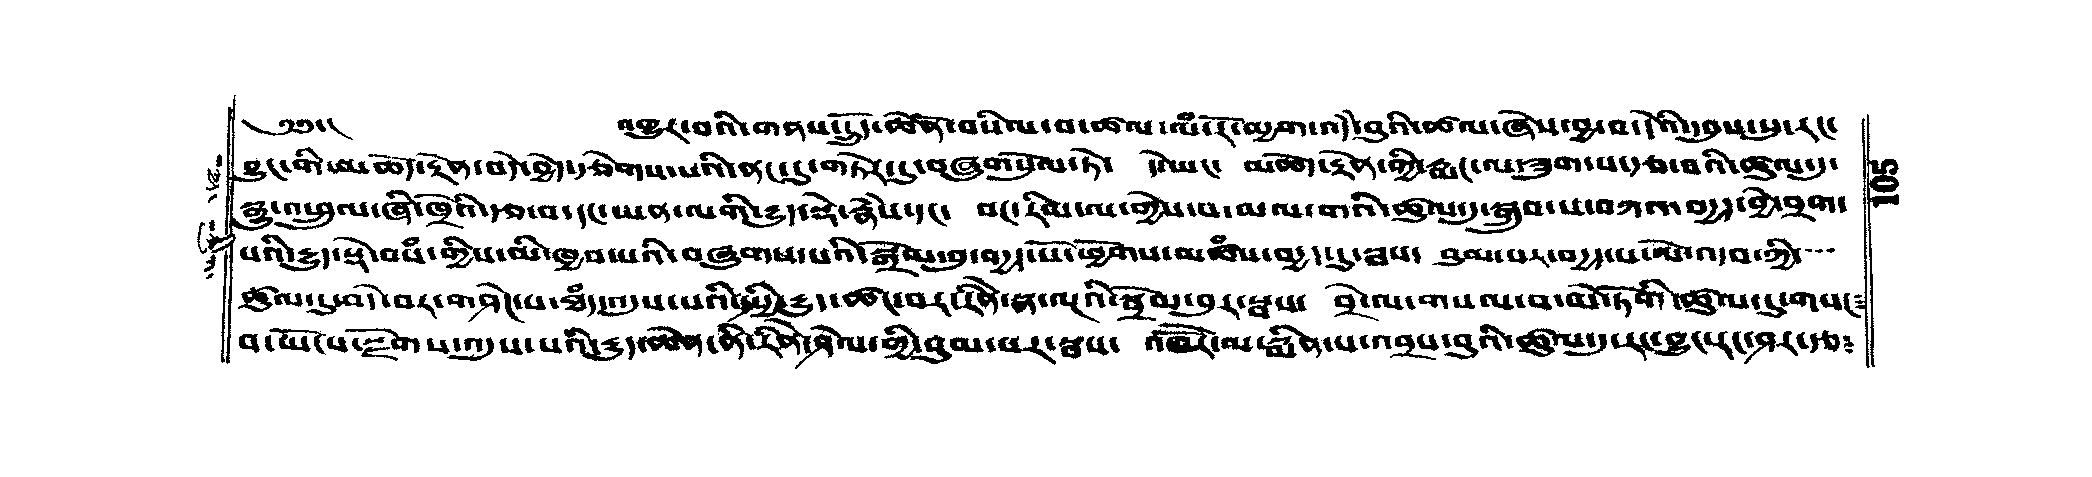འགྱུར་བའི་གནས་དུར་ཁྲོད་ཆེན་པོ་བསིལ་བ་ཚལ་ལམ་རོ་མྱག་འདམ་བུའི་ཚལ་ཞེས་བྱ་བ་དེའི་དབུས་སུ་རང་
བྱུང་གི་མཆོད་རྟེན་བདེ་བྱེད་རྩེགས་པའི་ནང་དུ་གཏེར་དུ་བཞུགས་སུ་གསོལ་ཏེ། དེ་ཡང་། མཆོད་རྟེན་གྱི་རྨང་ལ་ཟུག་པ་རྩ་བའི་ཚུལ་དུ་
སྒྱུ་འཕྲུལ་ཞི་ཁྲོའི་རྩ་བ་དང་ཡན་ལག་གི་རྒྱུད་སྡེ་རྣམས་དང་། བང་རིམ་ལ་གྱེས་པ་མལ་གའི་ཚུལ་དུ་སྒྲུབ་པ་བཀའ་བརྒྱད་བྱེ་བྲག་
པའི་རྒྱུད་སྡེ་བསམ་གྱིས་མི་ཁྱབ་པའི་བཞུགས་པའི་སྒྲོམ་བུ་བརྒྱད་པོ་ཕྱོགས་མཚམས་བརྒྱད་དུ་སྦས། བུམ་པར་བརྒྱད་པ་ལོ་འདབ་ཀྱི་
ཚུལ་དུ་བདེ་བར་གཤེགས་པ་ཐམས་ཅད་འདུས་པའི་སྤྱི་རྒྱུད་ཚང་བར་རིན་ཆེན་སྣ་ལྔའི་སྦྲོམ་བུར་སྦས། བྲེ་ལ་གསལ་བ་མེ་ཏོག་གི་ཚུལ་དུ་གསང་
བ་ཡོངས་རྫོགས་འདུས་པའི་རྒྱུད་ཆེན་ནི་རིན་ཆེན་ཤེལ་གྱི་བུམ་པར་སྦས། འཁོར་ལོ་ལ་སྨིན་པ་འབྲས་བུའི་ཚུལ་དུ་རང་བྱུང་རང་ཤར་རྩ་